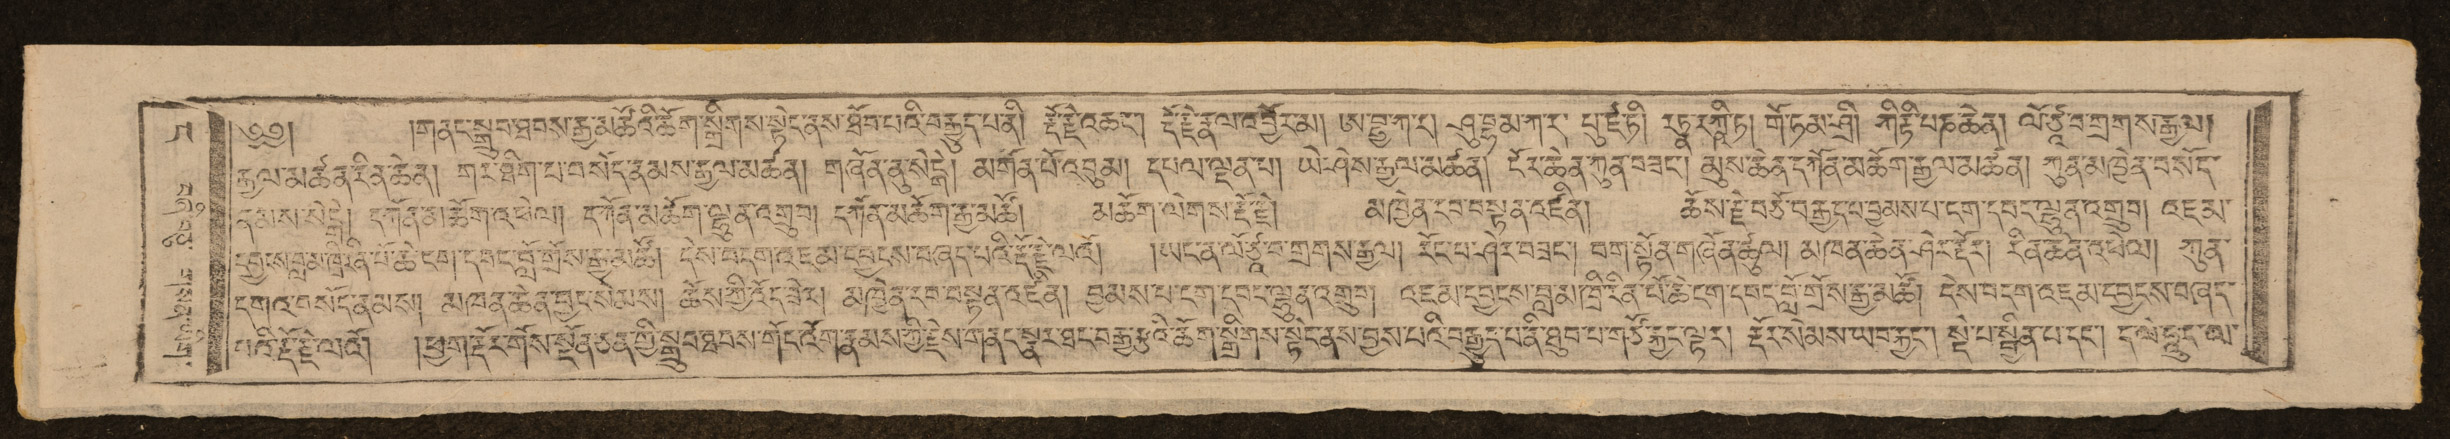༄༅། །གནང་སྒྲུབ་ཐབས་རྒྱ་མཚོའི་ཆོག་སྒྲིགས་སྟེང་ནས་ཐོབ་པའི་བརྒྱུད་པ་ནི། རྡོ་རྗེ་འཆང་། རྡོ་རྗེ་རྣལ་འབྱོར་མ། ཨ་བྷྱ་ཀར། ཤུབྷ་མ་ཀ་ར། བུ་ཛ་ཏི། རཏྣ་རཀྵི་ཏ། གོ་ཏམ་ཤྲི། གིརྟི་པཎ་ཆེན། ལོ་ཙཱ་བ་གྲགས་རྒྱལ།
རྒྱལ་མཚན་རིན་ཆེན། གར་ཐིག་པ་བསོད་ནམས་རྒྱལ་མཚན། གཞོན་ནུ་སེངྒེ། མགོན་པོ་འབུམ། དཔལ་ལྡན་པ། ཡེ་ཤེས་རྒྱལ་མཚན། དོར་ཆེན་ཀུན་བཟང་། མུས་ཆེན་དཀོན་མཆོག་རྒྱལ་མཚན། ཀུན་མཁྱེན་བསོད་
ནམས་སེངྒེ། དཀོན་མཆོག་འཕེལ། དཀོན་མཆོག་ལྷུན་འགྲུབ། དཀོན་མཆོག་རྒྱ་མཚོ། མཆོག་ལེགས་རྡོ་རྗེ། མཁྱེན་རབ་བསྟན་འཛིན། ཆོས་རྗེ་བཅོ་བརྒྱད་པ་བྱམས་པ་ངག་དབང་ལྷུན་འགྲུབ། འཇམ་
དབྱངས་བླ་མ་ཁྲི་རིན་པོ་ཆེ་ངག་དབང་བློ་གྲོས་རྒྱ་མཚོ། དེས་བདག་འཇམ་དབྱངས་བཞད་པའི་རྡོ་རྗེ་ལའོ། །ཡང་ན་ལོ་ཙཱ་བ་གྲགས་རྒྱལ། རོང་བ་ཤེར་བཟང་། བག་སྟོན་གཞོན་ཚུལ། མཁན་ཆེན་ཤེར་རྡོར། རིན་ཆེན་འཕེལ། ཀུན་
དགའ་བསོད་ནམས། མཁན་ཆེན་བྱང་སེམས། ཆོས་ཀྱི་འོད་ཟེར། མཁྱེན་རབ་བསྟན་འཛིན། བྱམས་པ་ངག་དབང་ལྷུན་འགྲུབ། འཇམ་དབྱངས་བླ་མ་ཁྲི་རིན་པོ་ཆེ་ངག་དབང་དྲོ་གྲོས་རྒྱ་མཚོ། དེས་བདག་འཇམ་དབྱངས་བཞད་
པའི་རྡོ་རྗེ་ལའོ། །ཕྱག་རྡོར་གོས་སྔོན་ཅན་གྱི་སྒྲུབ་ཐབས་གོང་འོག་རྣམས་ཀྱི་རྗེས་གནང་སྣར་ཐང་བརྒྱ་རྩའི་ཆོག་སྒྲིགས་སྟེང་ནས་བྱས་པའི་བརྒྱུད་པ་ནི་ཐུབ་པ་གཙོ་རྒྱང་ལྷག་རྡོར་སེམས་ཡང་རྐྱང་། སྡེ་བ་སྦྱིན་པ་དང་། བ་ལེ་དྲ་